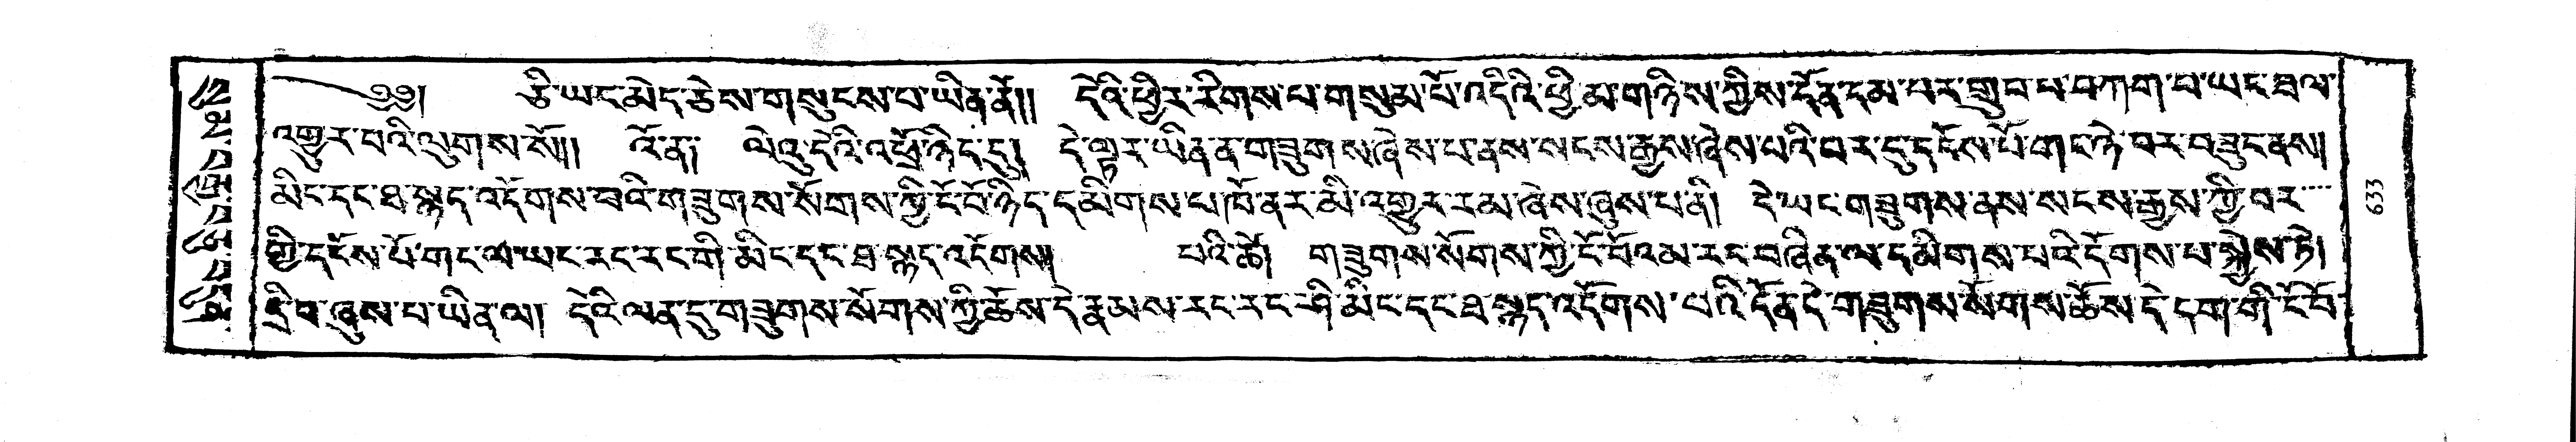༄༅། །་ཅི་ཡང་མེད་ཅེས་གསུངས་པ་ཡིན་ནོ། །དེའི་ཕྱིར་རིགས་པ་གསུམ་པོ་འདིའི་ཕྱི་མ་གཉིས་ཀྱིས་དོན་དམ་པར་གྲུབ་པ་བཀག་པ་ཡང་ཐལ་
འགྱུར་བའི་ལུགས་སོ། །འོ་ན༑ ལེའུ་དེའི་འཕྲོ་ཉིད་དུ། དེ་ལྟར་ཡིན་ན་གཟུགས་ཞེས་པ་ནས་སངས་རྒྱས་ཞེས་པའི་བར་དུ་དངོས་པོ་གང་ཉེ་བར་བཟུང་ནས།
མིང་དང་ཐ་སྙད་འདོགས་པའི་གཟུགས་སོགས་ཀྱི་ངོ་བོ་ཉིད་དམིགས་པ་ཁོ་ནར་མི་འགྱུར་རམ་ཞེས་ཞུས་པ་ནི། དེ་ཡང་གཟུགས་ནས་སངས་རྒྱས་ཀྱི་བར་
གྱི་དངོས་པོ་གང་ལ་ཡང་རང་རང་གི་མིང་དང་ཐ་སྙད་འདོགས། པའི་ཚེ། གཟུགས་སོགས་ཀྱི་ངོ་བོའམ་རང་བཞིན་ལ་དམིགས་པའི་དོགས་པ་སྐྱེས་ཏེ།
དྲི་བ་ཞུས་པ་ཡིན་ལ། དེའི་ལན་དུ་གཟུགས་སོགས་ཀྱི་ཆོས་དེ་རྣམས་རང་རང་ཤི་མིང་དང་ཐ་སྙད་འདོགས་པའི་དོན་དེ་གཟུགས་སོགས་ཆོས་དེ་དག་གི་ངོ་བོ་